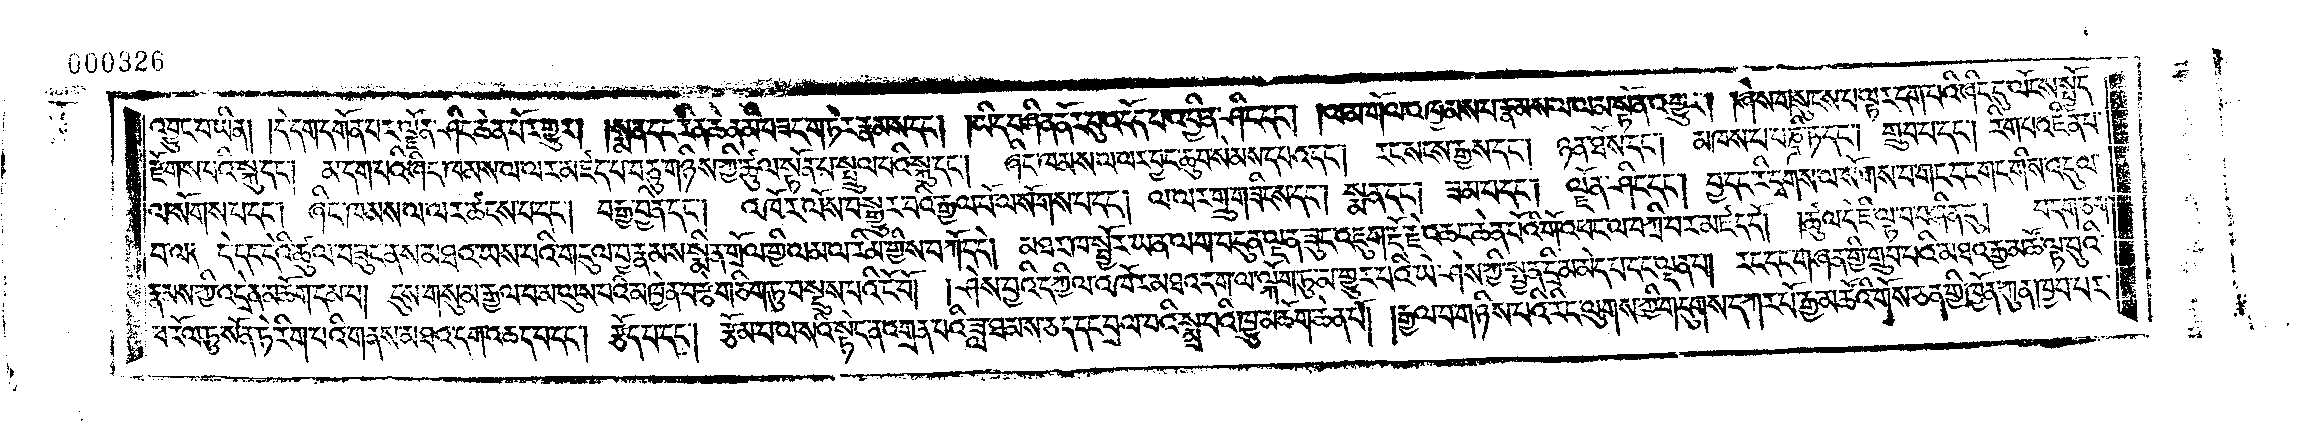འབྱུང་བ་ཡིན། །དེ་དག་དགོན་པར་ལྗོང་ཤིང་ཆེན་པོར་གྱུར། །སྨན་དང་རིན་ཆེན་མི་བཟང་གཏེར་རྣམས་དང་། །ཡིད་བཞིན་ནོར་བུ་འདོད་པ་འབྱིན་ཤིང་དང་། །ལམ་གོལ་འཁྱམས་པ་རྣམས་ལ་ལམ་སྟོན་འགྱུར། །ཞེས་གསུངས་པ་ལྟར་དག་པའི་ཞིང་དུ་ལོངས་སྤྱོད་
རྫོགས་པའི་སྐུ་དང་། མ་དག་པའི་ཞིང་ཁམས་ལ་ལར་མཛད་པ་བཅུ་གཉིས་ཀྱི་ཚུལ་སྟོན་པ་སྤྲུལ་པའི་སྐུ་དང་། ཞིང་ཁམས་ལ་ལར་བྱང་ཆུབ་སེམས་དཔའ་དང་། རང་སངས་རྒྱས་དང་། ཉན་ཐོས་དང་། མཁས་པ་པཎྜི་ཏ་དང་། གྲུབ་པ་དང་། རིག་པ་འཛིན་པ་
ལ་སོགས་པ་དང་། ཞིང་ཁམས་ལ་ལར་ཚངས་པ་དང་། བརྒྱ་བྱིན་དང་། འཁོར་ལོས་བསྒྱུར་བའི་རྒྱལ་པོ་ལ་སོགས་པ་དང་། ལ་ལར་གྲུ་གཟིངས་དང་། སྨན་དང་། ཟམ་པ་དང་། ལྗོན་ཤིང་དང་། བྱ་དང་རི་དྭགས་ལ་སོགས་པ་གང་དང་གང་གིས་འདུལ་
བ་ལ༑ དེ་དང་དེའི་ཚུལ་བཟུང་ནས་མཐའ་ཡས་པའི་གདུལ་བྱ་རྣམས་སྨིན་གྲོལ་གྱི་ལམ་ལ་རིམ་གྱིས་བཀོད་དེ། མཐར་ཁ་སྦྱོར་ཡན་ལག་བདུན་ལྡན་ཟུང་འཇུག་རྡོ་རྗེ་འཆང་ཆེན་པོའི་གོ་འཕང་ལ་བཀྲི་བར་མཛད་དོ། །ཚུལ་དེ་ཇི་ལྟ་བ་བཞིན་དུ། བདག་ཅག་
རྣམས་ཀྱི་འདྲེན་མཆོག་དམ་པ། དུས་གསུམ་རྒྱལ་བ་མ་ལུས་པའི་མཁྱེན་བརྩེ་གཅིག་ཏུ་བསྡུས་པའི་ངོ་བོ། །ཤེས་བྱའི་དཀྱིལ་འཁོར་མཐའ་དག་ལ་ལྐོག་ཏུ་མ་གྱུར་པའི་ཡེ་ཤེས་ཀྱི་སྤྱན་དྲི་མ་མེད་པ་དང་ལྡན་པ། རང་དང་གཞན་གྱི་གྲུབ་པའི་མཐའ་རྒྱ་མཚོ་ལྟ་བུའི་
ཕ་རོལ་ཏུ་སོན་ཏེ་རིག་པའི་གནས་མཐའ་དག་འཆད་བ་དང་། རྩོད་པ་དང་། རྩོམ་བ་ལ་སའི་སྟེང་ན་འགྲན་པའི་ཟླ་ཐམས་ཅད་དང་བྲལ་བའི་སྨྲ་བའི་ཁྱུ་མཆོག་ཆེན་པོ། །རྒྱལ་བ་གཉིས་པའི་རིང་ལུགས་ཀྱི་གདུགས་དཀར་པོ་རྒྱ་མཚོའི་གོས་ཅན་གྱི་ཁྱོན་ཀུན་ཁྱབ་པར་